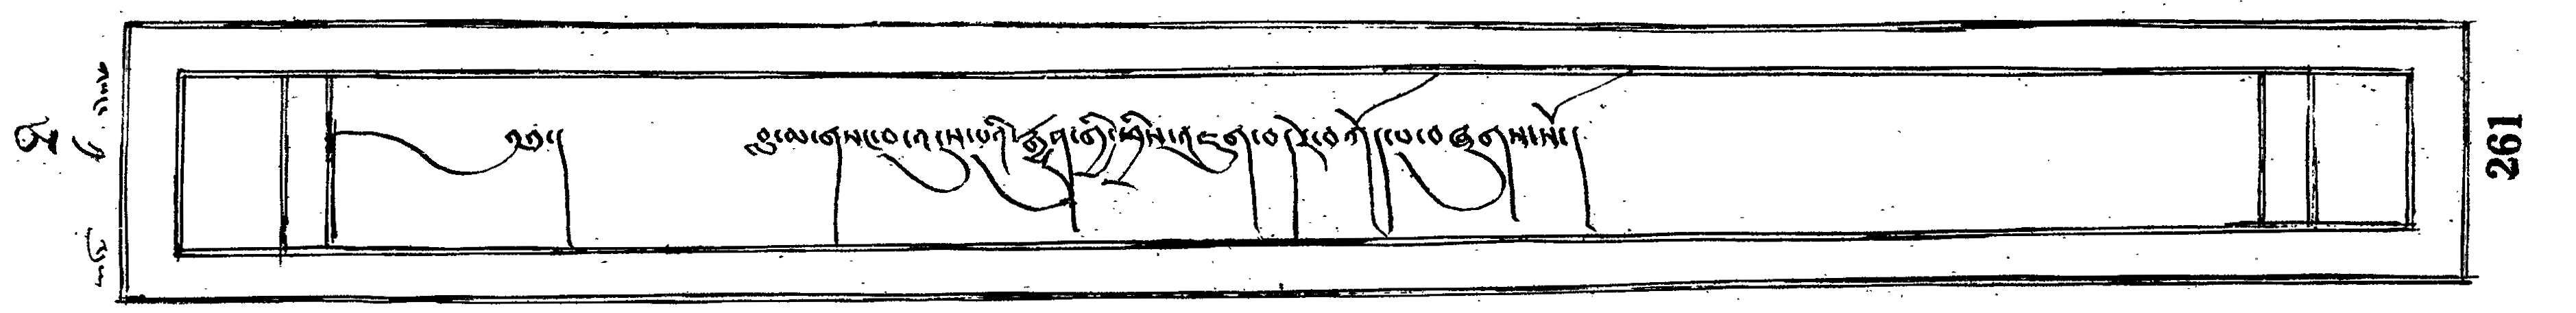༄༅། བླ་མ་གསང་བ་འདུས་པའི་རྒྱུན་གྱི་ཕྲིན་ལས་འཇུག་བདེར་བཀོད་པ་བཞུགས་སོ།